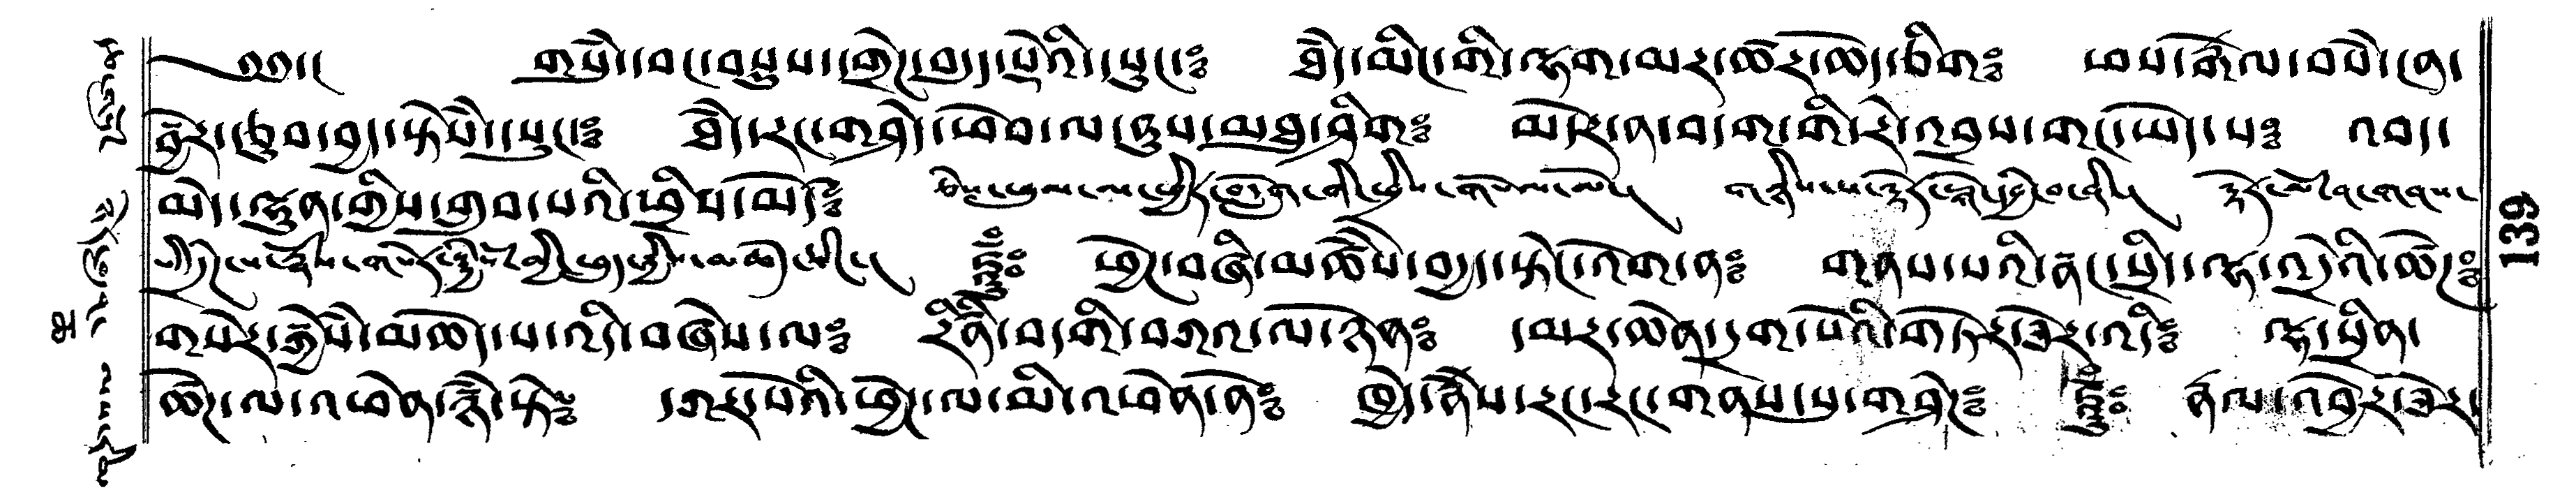གསུམ་དབང་སྡུས་དགྲ་བགེགས་བདུད་སྡེའི་དཔུང༔ ཐམས་ཅད་མིང་གི་ལྷག་མར་ཚར་ཆོད་ཅིག༔ ཕས་རྒོལ་བསམ་ངན་
སྦྱོར་རྩུབ་བྱད་སྟེམས་དཔུང༔ ཐམས་ཅད་རང་གཤེད་ཕོབ་ལ་ནུས་མཐུ་ཤིག༔ མདོར་ན་བདག་གི་རེ་འབྲས་གང་ཡོད་པ༔ འབད་
མེད་ལྷུན་གྱིས་གྲུབ་པའི་ཕྲིན་ལས་མཛོད༔ ཅེས་ཕུལ་ལ་ཕྱིར་བཟློག་གི་ཕྲིན་ལས་གསོལ་ལོ། གཉིས་པ་ཟོར་སྒོ་དབྱེ་བ་ནི། ཟོར་ལམ་ན་གནས་
པའི་དྲེགས་པ་རྣམས་གསེར་སྐྱེམས་གྱི་ཕུད་ཀྱིས་མཆོད་ཅིང་། ཧཱུྃ༔ ཕྱོགས་བཞི་མཚམས་བརྒྱད་སྟེང་འོག་ན༔ གནས་པའི་སྣང་སྲིད་ལྷ་འདྲེའི་ཚོགས༔ 
གསེར་སྐྱེམས་མཆོད་པ་འདི་བཞེས་ལ༔ རིག་འཛིན་བདག་གི་བཀའ་ལ་ཉོན༔ དམར་ཆེན་དྲག་པོའི་གཏོར་ཟོར་འདི༔ ལྷ་སྲིན་
ཚོགས་ལ་འཕེན་སྙམ་སྟེ༔ དཀར་པོའི་ཕྱོགས་ལ་མི་འཕེན་ནོ༔ ཁྱེད་རྣམས་རང་རང་གནས་སུ་གཤེགས༔ ཧཱུྃ༔ རྣལ་འབྱོར་ཟོར་